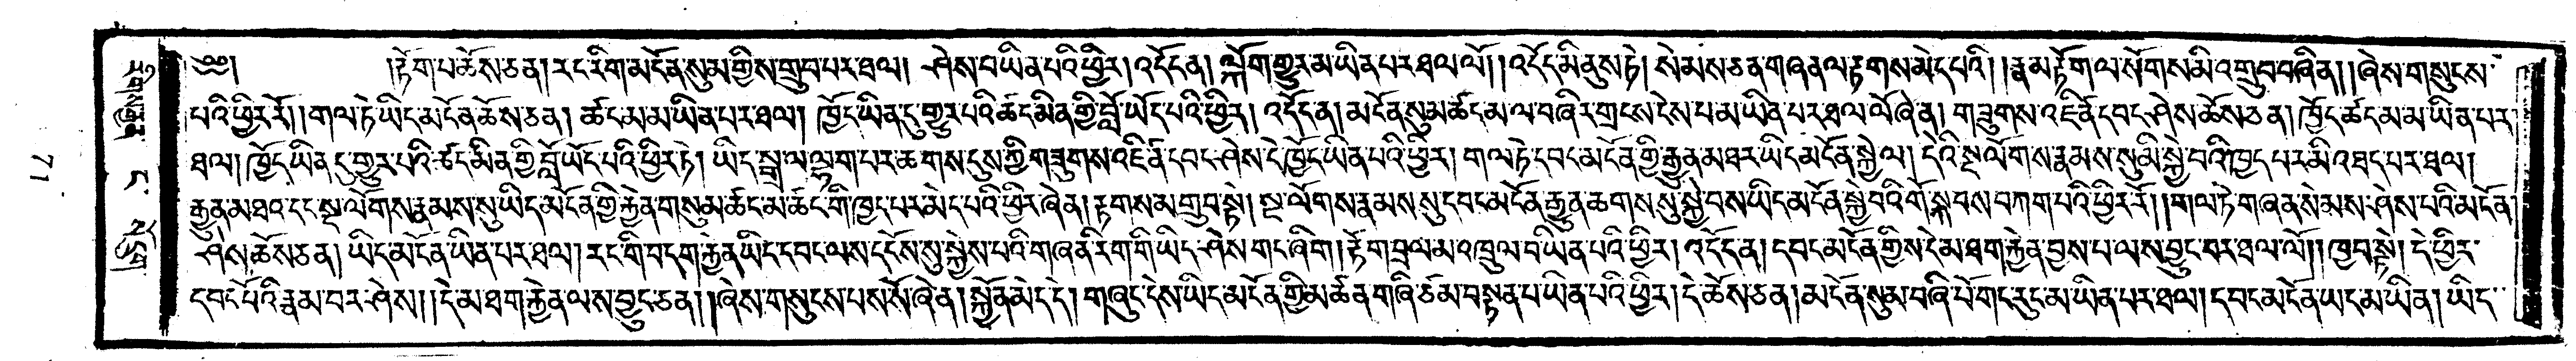༄༅། །རྟོག་པ་ཆོས་ཅན། རང་རིག་མངོན་སུམ་གྱིས་གྲུབ་པར་ཐལ། ཤེས་པ་ཡིན་པའི་ཕྱིར། འདོད་ན། ལྐོག་གྱུར་མ་ཡིན་པར་ཐལ་ལོ། །འདོད་མི་ནུས་ཏེ། སེམས་ཅན་གཞན་ལ་རྟགས་མེད་པའི། །རྣམ་རྟོག་ལ་སོགས་མི་འགྲུབ་བཞིན། །ཞེས་གསུངས་
པའི་ཕྱིར་རོ། །གལ་ཏེ་ཡིད་མངོན་ཆོས་ཅན། ཚད་མ་མ་ཡིན་པར་ཐལ། ཁྱོད་ཡིན་དུ་གྱུར་པའི་ཚད་མིན་གྱི་བློ་ཡོད་པའི་ཕྱིར། འདོད་ན། མངོན་སུམ་ཚད་མ་ལ་བཞིར་གྲངས་ངེས་པ་མ་ཡིན་པར་ཐལ་ལོ་ཞེ་ན། གཟུགས་འཛིན་དབང་ཤེས་ཆོས་ཅན། ཁྱོད་ཚད་མ་མ་ཡིན་པར་
ཐལ། ཁྱོད་ཡིན་དུ་གྱུར་པའི་ཚད་མིན་གྱི་བློ་ཡོད་པའི་ཕྱིར་ཏེ། ཡིད་སྒྲ་ལ་ལྷག་པར་ཆགས་དུས་ཀྱི་གཟུགས་འཛིན་དབང་ཤེས་དེ་ཁྱོད་ཡིན་པའི་ཕྱིར། གལ་ཏེ་དབང་མངོན་གྱི་རྒྱུན་མཐར་ཡིད་མངོན་སྐྱེ་ལ། དེའི་སྔ་ལོགས་རྣམས་སུ་མི་སྐྱེ་བའི་ཁྱད་པར་མི་འཐད་པར་ཐལ།
རྒྱུན་མཐའ་དང་སྔ་ལོགས་རྣམས་སུ་ཡིད་མངོན་གྱི་རྐྱེན་གསུམ་ཚང་མ་ཚང་གི་ཁྱད་པར་མེད་པའི་ཕྱིར་ཞེ་ན། རྟགས་མ་གྲུབ་སྟེ། སྔ་ལོགས་རྣམས་སུ་དབང་མངོན་རྒྱུན་ཆགས་སུ་སྐྱེ་བས་ཡིད་མངོན་སྐྱེ་བའི་གོ་སྐབས་བཀག་པའི་ཕྱིར་རོ། །གལ་ཏེ་གཞན་སེམས་ཤེས་པའི་མངོན་
ཤེས་ཆོས་ཅན། ཡིད་མངོན་ཡིན་པར་ཐལ། རང་གི་བདག་རྐྱེན་ཡིད་དབང་ལས་དངོས་སུ་སྐྱེས་པའི་གཞན་རིག་གི་ཡིད་ཤེས་གང་ཞིག །རྟོག་བྲལ་མ་འཁྲུལ་པ་ཡིན་པའི་ཕྱིར། འདོད་ན། དབང་མངོན་གྱིས་དེ་མ་ཐག་རྐྱེན་བྱས་པ་ལས་བྱུང་བར་ཐལ་ལོ། །ཁྱབ་སྟེ། དེ་ཕྱིར་
དབང་པོའི་རྣམ་པར་ཤེས། །དེ་མ་ཐག་རྐྱེན་ལས་བྱུང་ཅན། །ཞེས་གསུངས་པས་སོ་ཞེ་ན། སྐྱོན་མེད་དེ། གཞུང་དེས་ཡིད་མངོན་གྱི་མཚན་གཞི་ཙམ་བསྟན་པ་ཡིན་པའི་ཕྱིར། དེ་ཆོས་ཅན། མངོན་སུམ་བཞི་པོ་གང་རུང་མ་ཡིན་པར་ཐལ། དབང་མངོན་ཡང་མ་ཡིན། ཡིད་